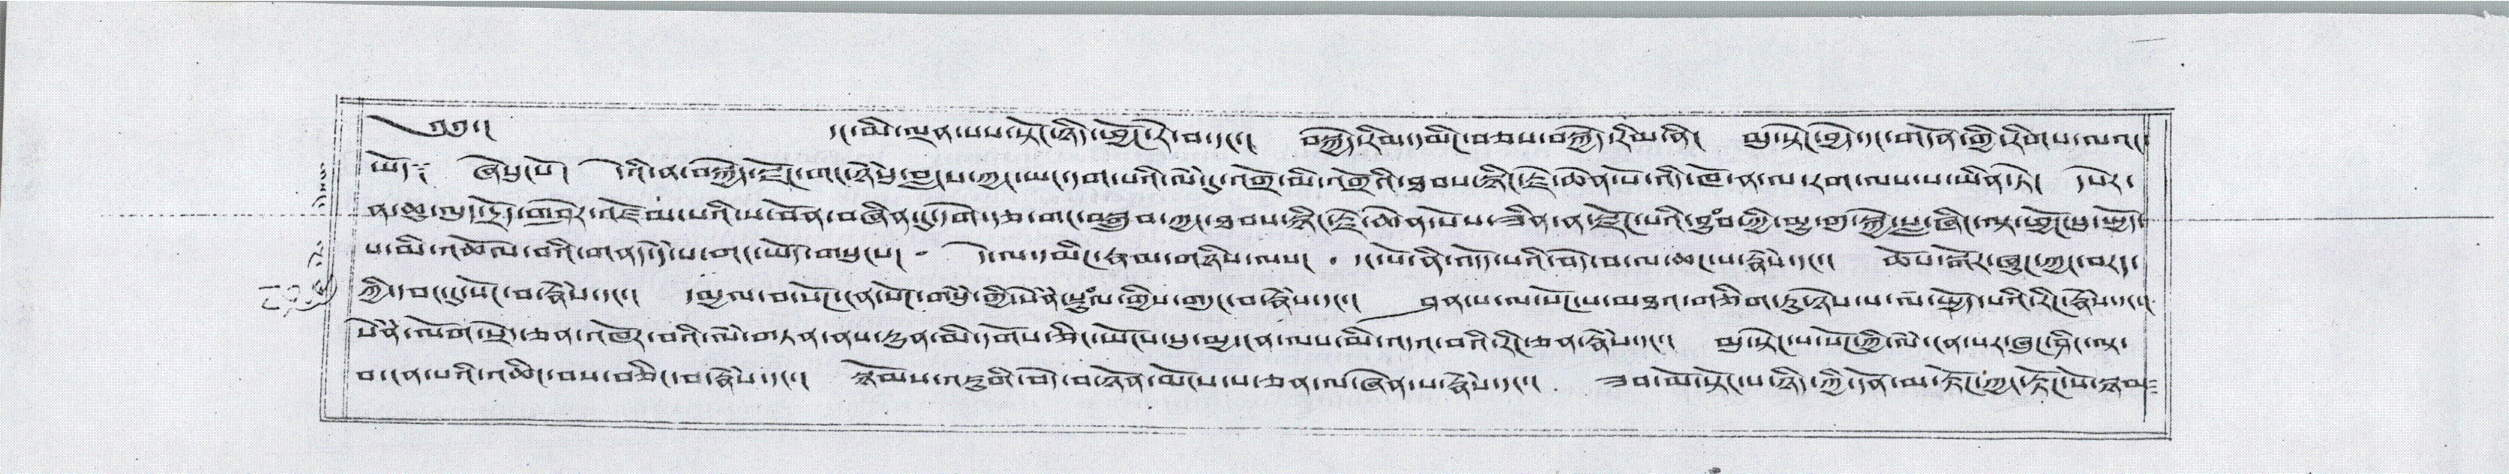དང་མི་ལྡན་པས་སྟོང་ཉིད་ཕྱོགས་རེ་བ་དང་། བསྐྱེད་རིམ་དམིགས་བཅས་བསྐྱེད་རིམ་ནི། མུ་སྟེགས་བྱེད་དང་གདོན་གྱི་རིགས་ལའང་
ཡོད། ཞེས་གསུངས་སོ། དེས་ན་བསྐྱེད་རྫོགས་གང་ཉམས་སུ་བླངས་ཀྱང་ཡང་དག་པའི་ལམ་དུ་འགྲོ་མི་འགྲོའི་ཐབས་སྙིང་རྗེ་ཆེན་པོ་འདི་ཁོ་ན་ལ་རག་ལས་པ་ཡིན་ཏེ། དཔེར་
ན་ཆུ་ལུད་དྲོད་གཤེར་འཛོམས་པའི་ས་བོན་བཞིན་དུ་དགེ་རྩ་གང་བསྒྲུབ་ཀྱང་ཐབས་སྙིང་རྗེ་ཆེན་པོས་ཟིན་ན་རྫོགས་པའི་བྱང་ཆུབ་ཀྱི་སྨྱུ་གུ་སྐྱེ་སླ་ཞིང་ལྟ་ཕྱོགས་སུ་སྤྱོད་
པ་མི་འཆོལ་བའི་གནད་དམ་པ་གང་ཡོད་གསུངས། ༧ དེ་ལ་དམིགས་རྣམ་གཉིས་ལས། དང་པོ་ནི་འདོད་པའི་བདེ་བ་ལ་ཆགས་པ་རྣམས་དང་། ཆོས་སྒོར་ཞུགས་ཀྱང་བར་ཆད་
ཀྱི་དབང་དུ་སོང་བ་རྣམས་དང་། དམྱལ་བ་སོགས་ངན་སོང་གསུམ་གྱི་སེམས་ཅན་སྡུག་བསྔལ་གྱིས་གདུང་རྣམས་དང་། ཤན་པ་ལ་སོགས་པ་མཐའ་གཅིག་ཏུ་ཉེས་པ་ལ་སྤྱོད་པའི་རིགས་རྣམས་དང་། 
སེམས་ཅན་ལོག་སྡེ་ཅན་འཁོར་བའི་ལམ་གཏན་ནས་རྒྱུན་མི་དགོས་ཅིང་ཡོངས་སུ་མྱ་ངན་ལས་མི་འདའ་བའི་རིགས་ཅན་རྣམས་དང་། མུ་སྟེགས་པ་སོགས་ཀྱི་ལམ་ངན་པར་ཞུགས་ཤིང་ལྟ་
བ་ངན་པའི་འཆིང་ནས་བཅིང་བ་རྣམས་དང་། སྙོམས་འཇུག་གི་བདེ་བ་ཉོན་མོངས་པ་ཅན་ལ་ཞེན་པ་རྣམས་དང་། ཟབ་མོ་སྟོང་པ་ཉིད་ཀྱི་དོན་མ་རྟོགས་ཀྱང་རྟོགས་སོ་སྙམ་